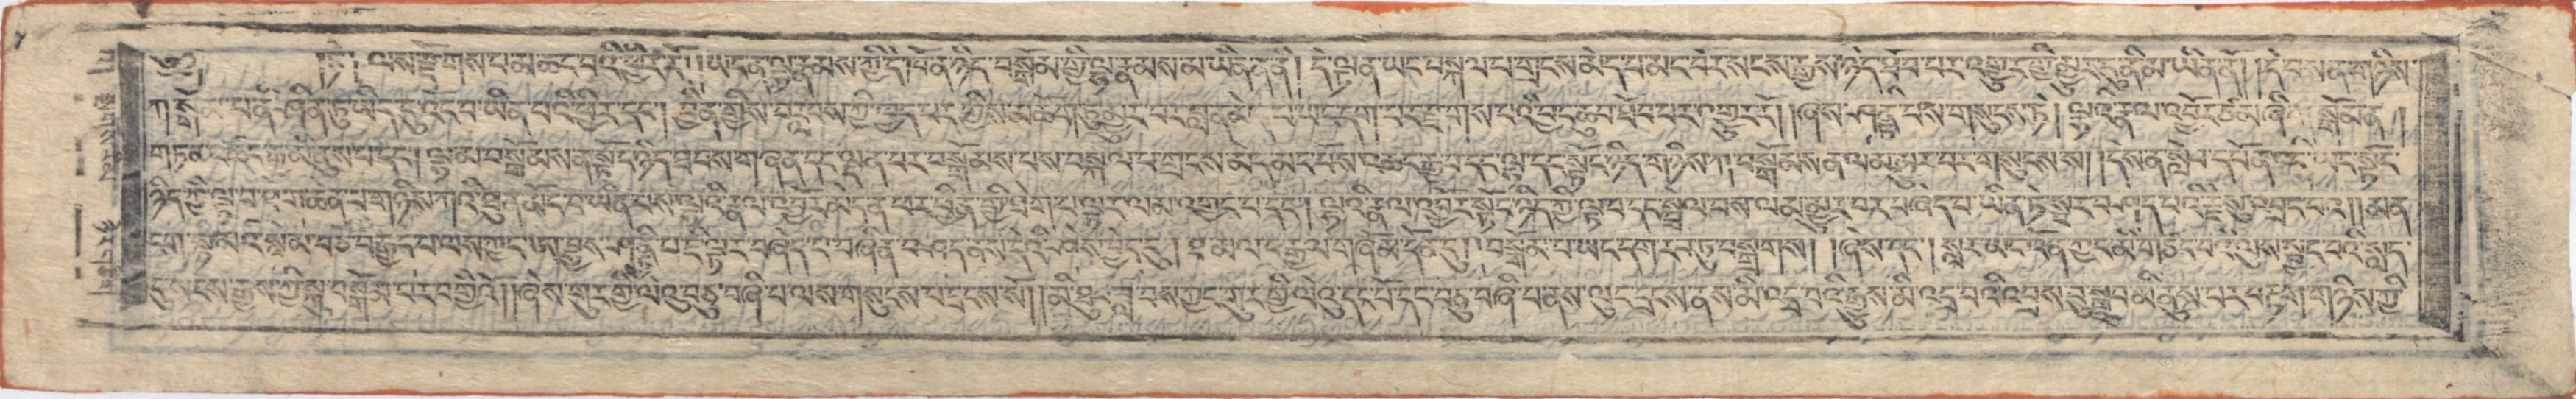༄༅། །ཏེ། ལས་རྫོགས་པ་མ་ཚང་བའི་ཕྱིར་རོ། །ཡང་ན་ལྷ་རྣམས་ཀྱི་དེ་ཁོ་ན་ཉིད་བསྒོམ་གྱི་ལྷ་རྣམས་མ་ཡིན་ན་ནི། དེ་ལྟ་ན་ཡང་བསྐལ་པ་གྲངས་མེད་པ་མང་པོར་སངས་རྒྱས་ཉིད་ཐོབ་པར་འགྱུར་གྱི་མྱུར་དུ་ནི་མ་ཡིན་ནོ། །དེ་བས་ན་གཉིས་
ཀ་སྒོམ་པ་ནི་ཤིན་ཏུ་ཡིད་དུ་འོང་བ་ཡིན་པའི་ཕྱིར་དང་། བྱིན་གྱིས་བརླབས་ཀྱི་ཁྱད་པར་གྱིས་མཆོག་ཏུ་མྱུར་བར་བླ་ན་མེད་པ་ཡང་དག་པར་རྫོགས་པའི་བྱང་ཆུབ་ཐོབ་པར་འགྱུར་རོ། །ཞེས་ཤཱནྟི་པས་གསུངས་ཏེ། ལྷའི་རྣལ་འབྱོར་ཙམ་ཞིག་སྒོམ་ན།
གཏན་འཚང་རྒྱ་མི་ནུས་པ་དང་། ལྷ་མ་བསྒོམས་ན་སྟོང་ཉིད་ཐབས་གཞན་དང་ལྡན་པར་བསྒོམས་པས་བསྐལ་པ་གྲངས་མེད་མང་པོས་འཚང་རྒྱ་བ་དང་ལྷ་དང་སྟོང་ཉིད་གཉིས་ཀ་བསྒོམས་ན་ལམ་མྱུར་བར་གསུངས་སོ། །དེས་ན་སློབ་དཔོན་འདི་ཡང་སྟོང་
ཉིད་ཀྱི་ལྟ་བ་ཐེག་ཆེན་པ་གཉིས་ཀའི་ཐུན་མོང་བ་ཡིན་པས་ལྷའི་རྣལ་འབྱོར་མེད་ན་ཕར་ཕྱིན་གྱི་ཐེག་པ་ལྟར་ལམ་འགྱང་པ་དང་། ལྷའི་རྣལ་འབྱོར་སྟོང་ཉིད་ཀྱི་ལྟ་བ་དང་སྦྲེལ་བས་ལམ་མྱུར་བར་བཞེད་པ་ཡིན་ཏེ་སྔར་བཤད་པའི་རྗེས་སུ་འབྲང་བའོ། །མན་
ངག་སྙེ་མའི་སྙེ་མ་བཅོ་བརྒྱད་པ་ལས་ཀྱང་ཨ་བྷྱས་ཤཱནྟི་པ་ཇི་ལྟར་བཞེད་པ་བཞིན་བཤད་ནས་དེའི་ཤེས་བྱེད་དུ། ཐ་མལ་ང་རྒྱལ་གཞོམ་དོན་དུ། །བསྒོམ་པ་ཡང་དག་རབ་ཏུ་བསྒྲགས། །ཞེས་དང་། སླར་ཡང་འོན་ཀྱང་མི་གཙང་བའི་ལུས་སྦྱང་བའི་སླད་
དུ་སངས་རྒྱས་ཀྱི་སྐུ་བསྒོམ་པར་བགྱིའོ། །ཞེས་གུར་གྱི་ལེའུ་བཅུ་བཞི་པ་ལས་གསུངས་པ་དྲངས་སོ། །མི་ཐུབ་ཟླ་བས་ཀྱང་གུར་གྱི་ལེའུ་དང་པོ་དང་བཅུ་བཞི་པ་ནས་ལུང་དྲངས་ནས་མི་འདྲ་བའི་རྒྱུས་མི་འདྲ་བའི་འབྲས་བུ་སྒྲུབ་མི་ནུས་པར་བརྟག་གཉིས་ཀྱི་